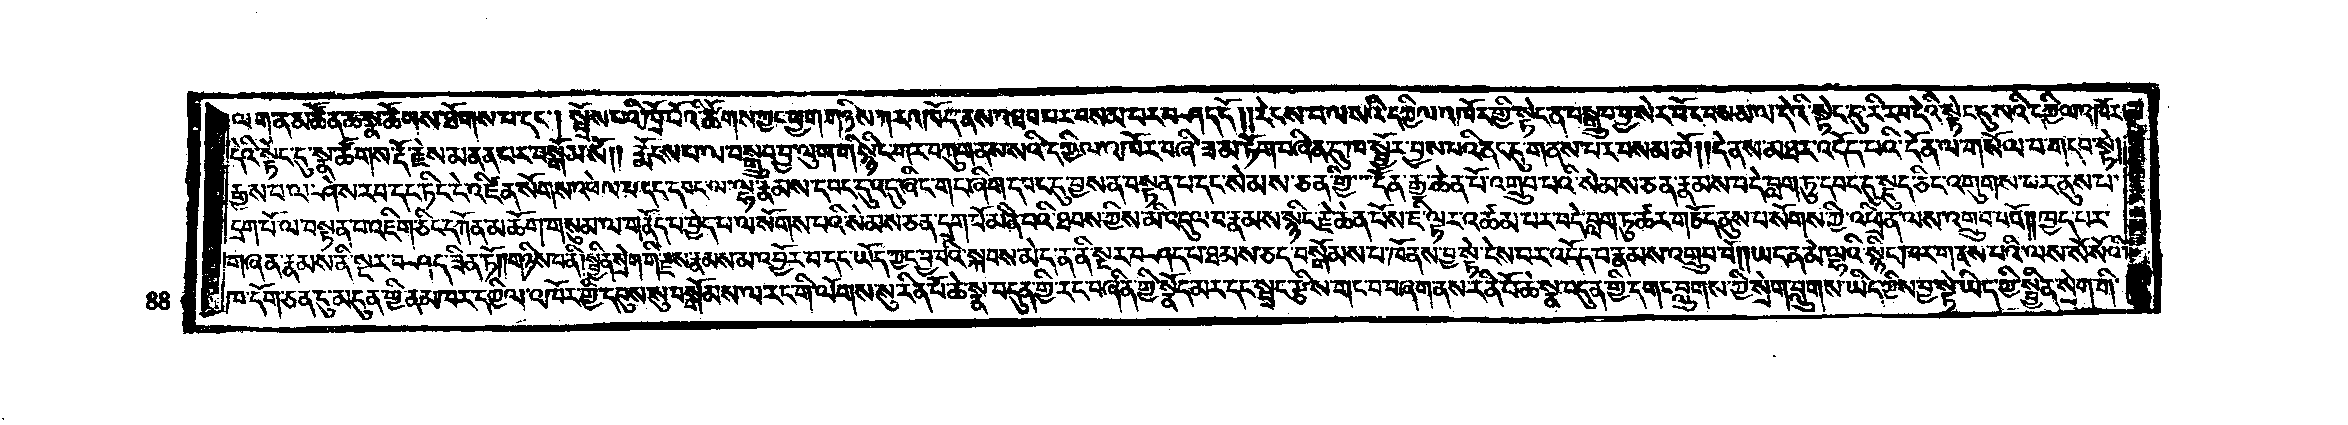ལག་ན་མཚོན་ཆ་སྣ་ཚོགས་ཐོགས་པ་དང་། སྤྲོས་པའི་ཁྲོ་བོའི་ཚོགས་ཀྱང་ཕྱག་གཉིས་ཀར་འཁོད་ནས་འཐབ་པར་བསམ་པར་བཤད་དོ། །རེངས་པ་ལ་སའི་དཀྱིལ་འཁོར་གྱི་སྟེང་ན་བསྒྲུབ་བྱ་སེར་པོར་བསམ་ལ་དེའི་སྟེང་དུ་རི་རབ་དེའི་སྟེང་དུ་སའི་དཀྱིལ་འཁོར་
དེའི་སྟེང་དུ་སྣ་ཚོགས་རྡོ་རྗེས་མནན་པར་བསྒོམ་སོ། །རྨོངས་པ་ལ་བསྒྲུབ་བྱ་ལུག་གི་སྙིང་གར་བཀུག་ནས་སའི་དཀྱིལ་འཁོར་བཞི་ཟ་མ་ཏོག་བཞིན་དུ་ཁ་སྦྱོར་བྱས་པའི་ནང་དུ་གནས་པར་བསམ་མོ། །དེ་ནས་མཐར་འདོད་པའི་དོན་ལ་གསོལ་བ་གདབ་སྟེ།
རྒྱས་པ་ལ་ཤེས་རབ་དང་ཏིང་ངེ་འཛིན་སོགས་འཕེལ་པ་དང་དབང་ལ་ལྷ་རྣམས་དབང་དུ་འདུ་ཞིང་གང་ཞིག་དབང་དུ་བྱས་ན་བསྟན་པ་དང་སེམས་ཅན་གྱི་དོན་རྒྱ་ཆེན་པོ་འགྲུབ་པའི་སེམས་ཅན་རྣམས་བདེ་བླག་ཏུ་དབང་དུ་སྡུད་ཅིང་འགུགས་པར་ནུས་པ་
དྲག་པོ་ལ་བསྟན་པ་འཇིག་ཅིང་དཀོན་མཆོག་གསུམ་ལ་གནོད་པ་བྱེད་པ་ལ་སོགས་པའི་སེམས་ཅན་དྲག་པོ་མིན་པའི་ཐབས་ཀྱིས་མི་འདུལ་བ་རྣམས་སྙིང་རྗེ་ཆེན་པོས་ཇི་ལྟར་འཚིམ་པར་བདེ་བླག་ཏུ་ཚར་གཅོད་ནུས་པ་སོགས་ཀྱི་འཕྲིན་ལས་འགྲུབ་པའོ། །ཁྱད་པར་
གཞན་རྣམས་ནི་སྔར་བཤད་ཟིན་ཏོ། །གཉིས་པ་ནི། སྦྱིན་སྲེག་གི་རྫས་རྣམས་མ་འབྱོར་བ་དང་ཡོད་ཀྱང་བྱ་བའི་སྐབས་མེད་ན་ནི་སྔར་བཤད་པ་ཐམས་ཅད་བསྒོམ་པ་ཁོ་ནས་བྱ་སྟེ་ངེས་པར་འདོད་པ་རྣམས་འགྲུབ་བོ། །ཡང་ན་མེ་ལྷའི་སྙིང་ཁར་གནས་པའི་ལས་སོ་སོའི་
ཁ་དོག་ཅན་དུ་མདུན་གྱི་ནམ་མཁར་དཀྱིལ་འཁོར་གྱི་དབུས་སུ་བསྒོམས་ལ་རང་གི་ལོགས་སུ་རིན་པོ་ཆེ་སྣ་བདུན་གྱི་རང་བཞིན་གྱི་སྣོད་མར་དང་སྦྲང་རྩིས་གང་བ་བཞག་ནས་རིན་པོ་ཆེ་སྣ་བདུན་གྱི་དགང་བླུགས་ཀྱི་སྲེག་བླུགས་ཡིད་ཀྱིས་བྱ་སྟེ་ཡིད་ཀྱི་སྦྱིན་སྲེག་གི་